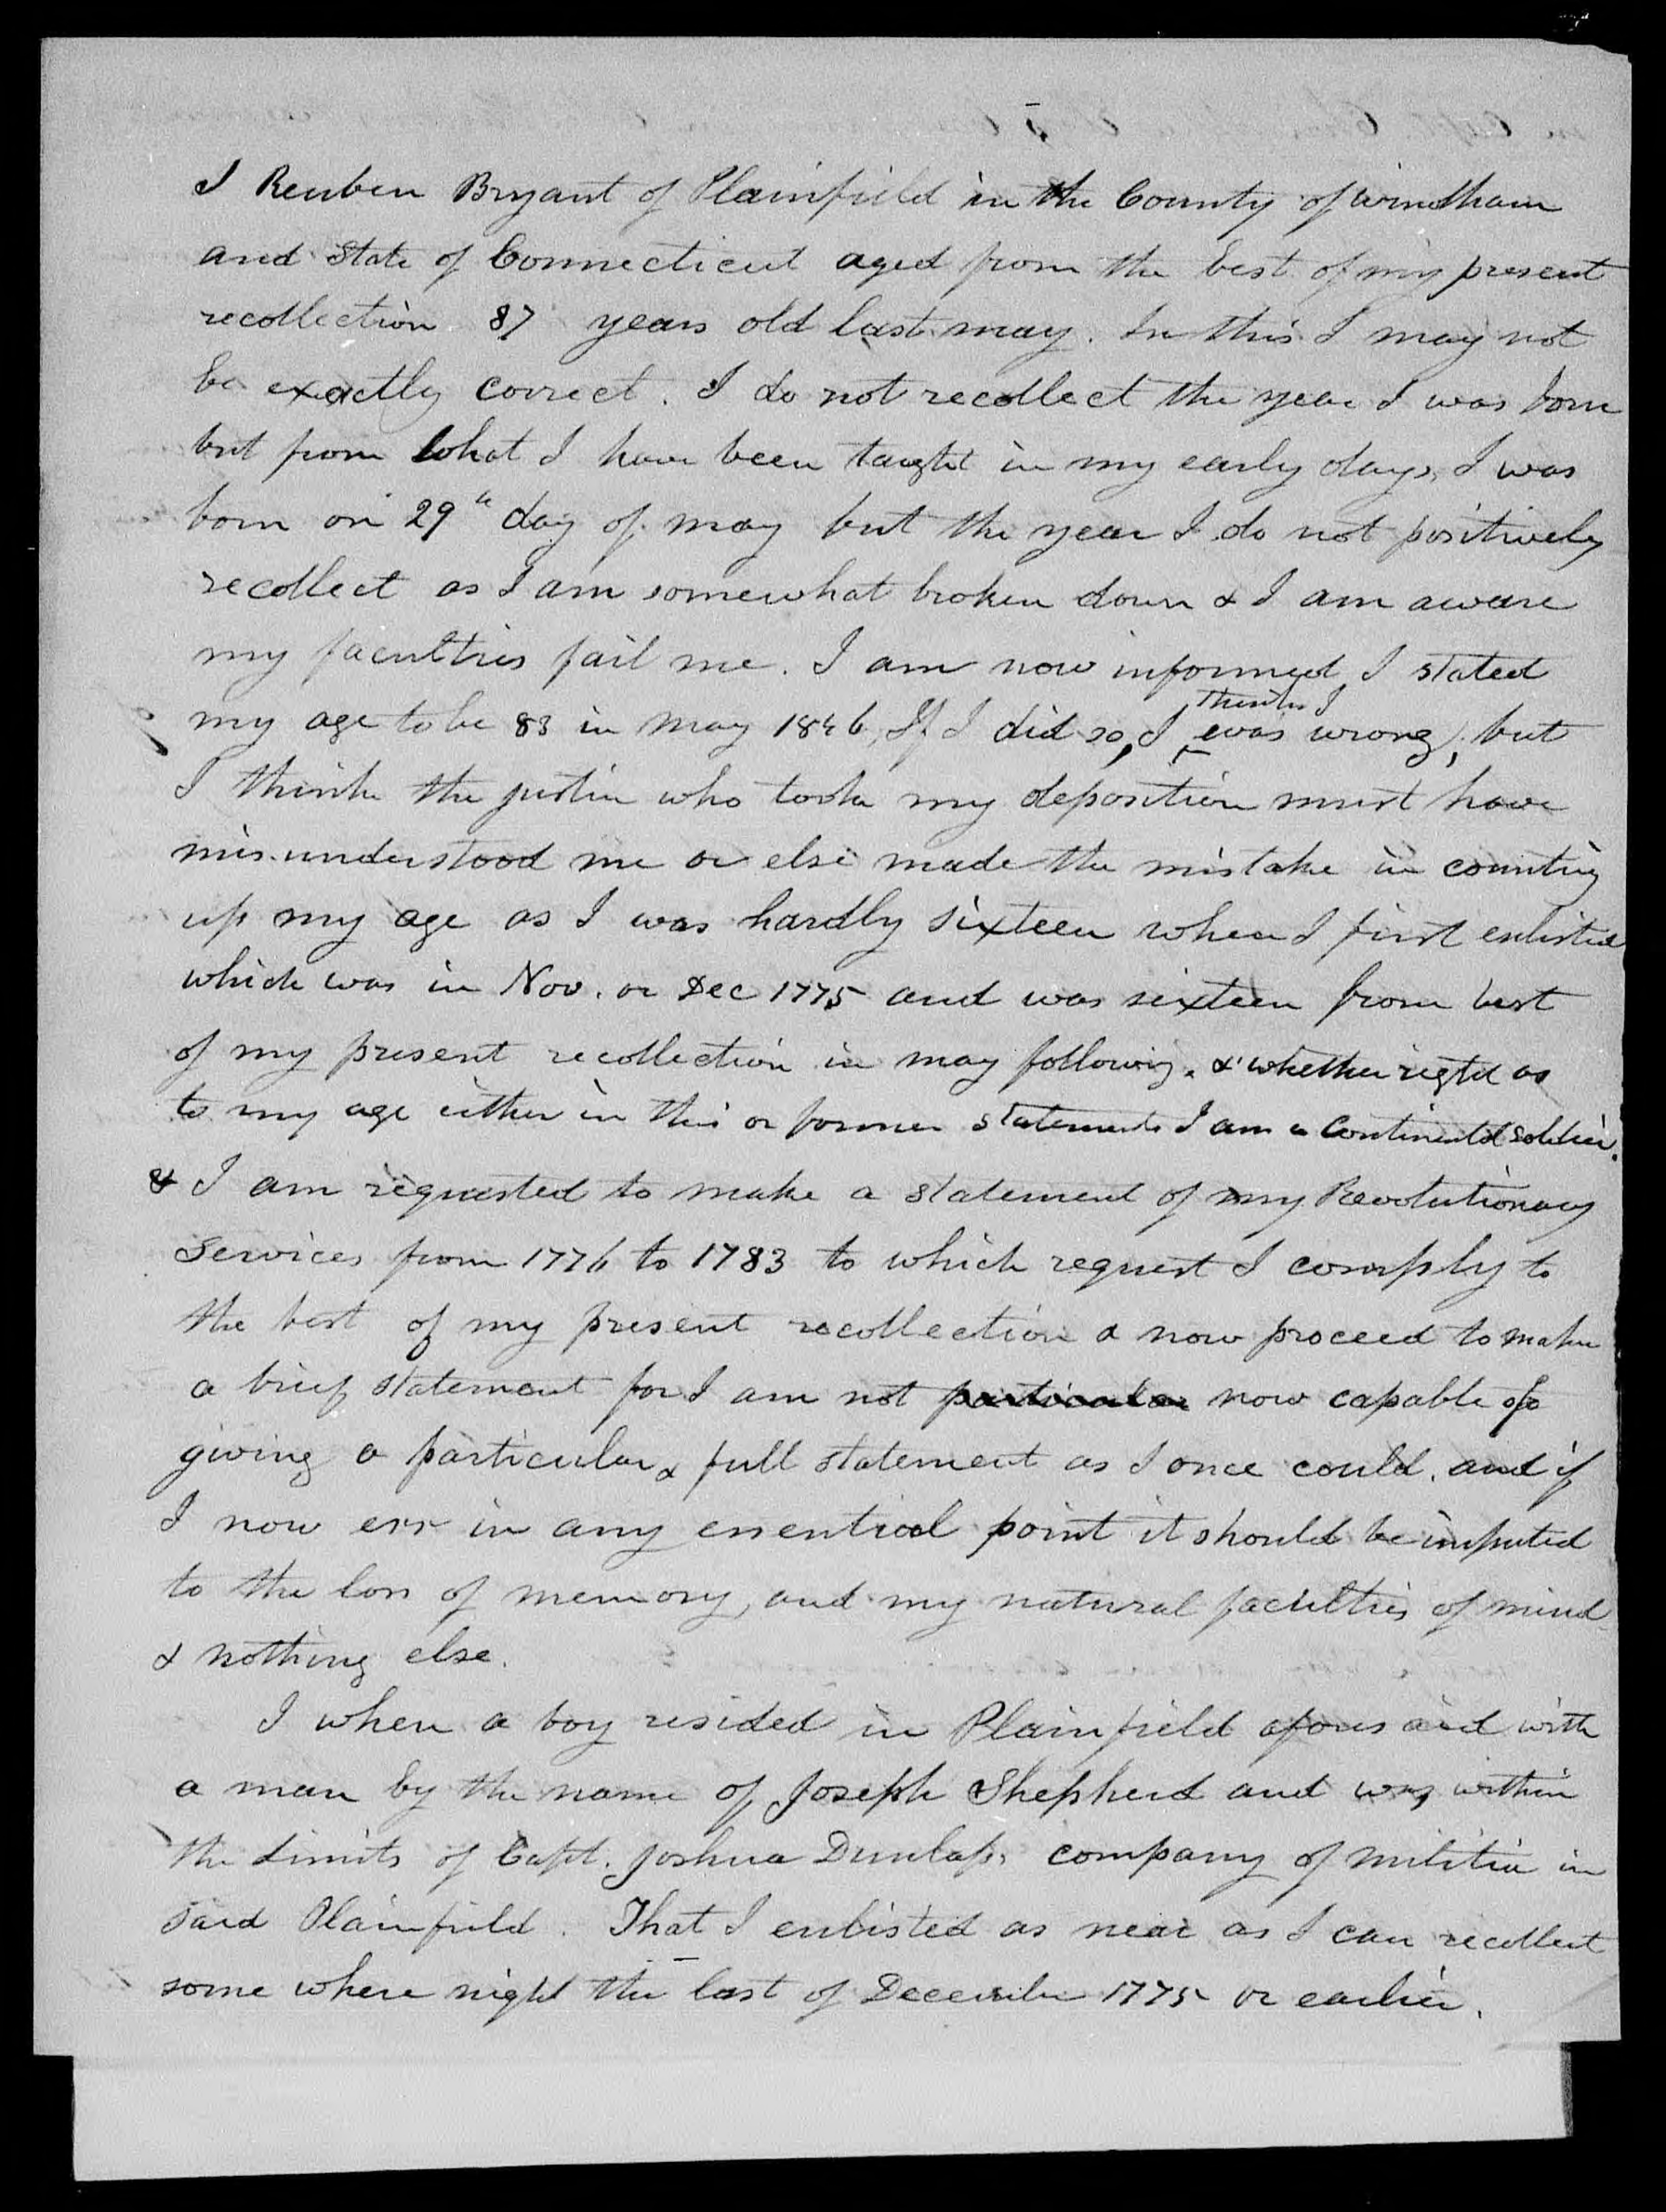I, Reuben Bryant of Plainfield in the County of Windham and State of Connecticut, aged from the best of my present rrecollection, 87 years old last May. In this I may not be exactly correct. I do not recollect the year I was born but from what I have been taught in my early days, I was born on 29th day of May but the year I do not positively recollect as I am somewhat broken down & I am aware my faculties fail me. I am now informed I stated my age to be 88 in May 1846. If I did so, I think I was wrong but I think the justice who took my deposition must have misunderstood me or else made the mistake in counting with my age as I was hardly sixteen when I first enlisted which was in Nov or Dec 1775 and was sixteen from best of my present recollection is May following & whether right as to my age either in this or former statements I am a continental soldier. I am requested to make a statement of my Revolutionary Services from 1776 to 1783 to which request I comply to the best of my present recollection and now proceed to make a brief statement for I am not now capable of giving a particular ly full statement as I once could and if I now err in any essential point it should be inspected to the loss of memory and my natural facilities of mind & nothing else. 
I when a boy resided in Plainfield above and with a man by the name of Joseph Shepherd and was within the limits of Capt Joshua Dunlap's company of militia in said Plainfield. That I enlisted as near as I can recollect some where nigh the last of December 1775 or earlier.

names: Reuben Bryant, Joseph Shepherd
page: 17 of 40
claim: rejected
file: R. 4251, John Green, Conn.